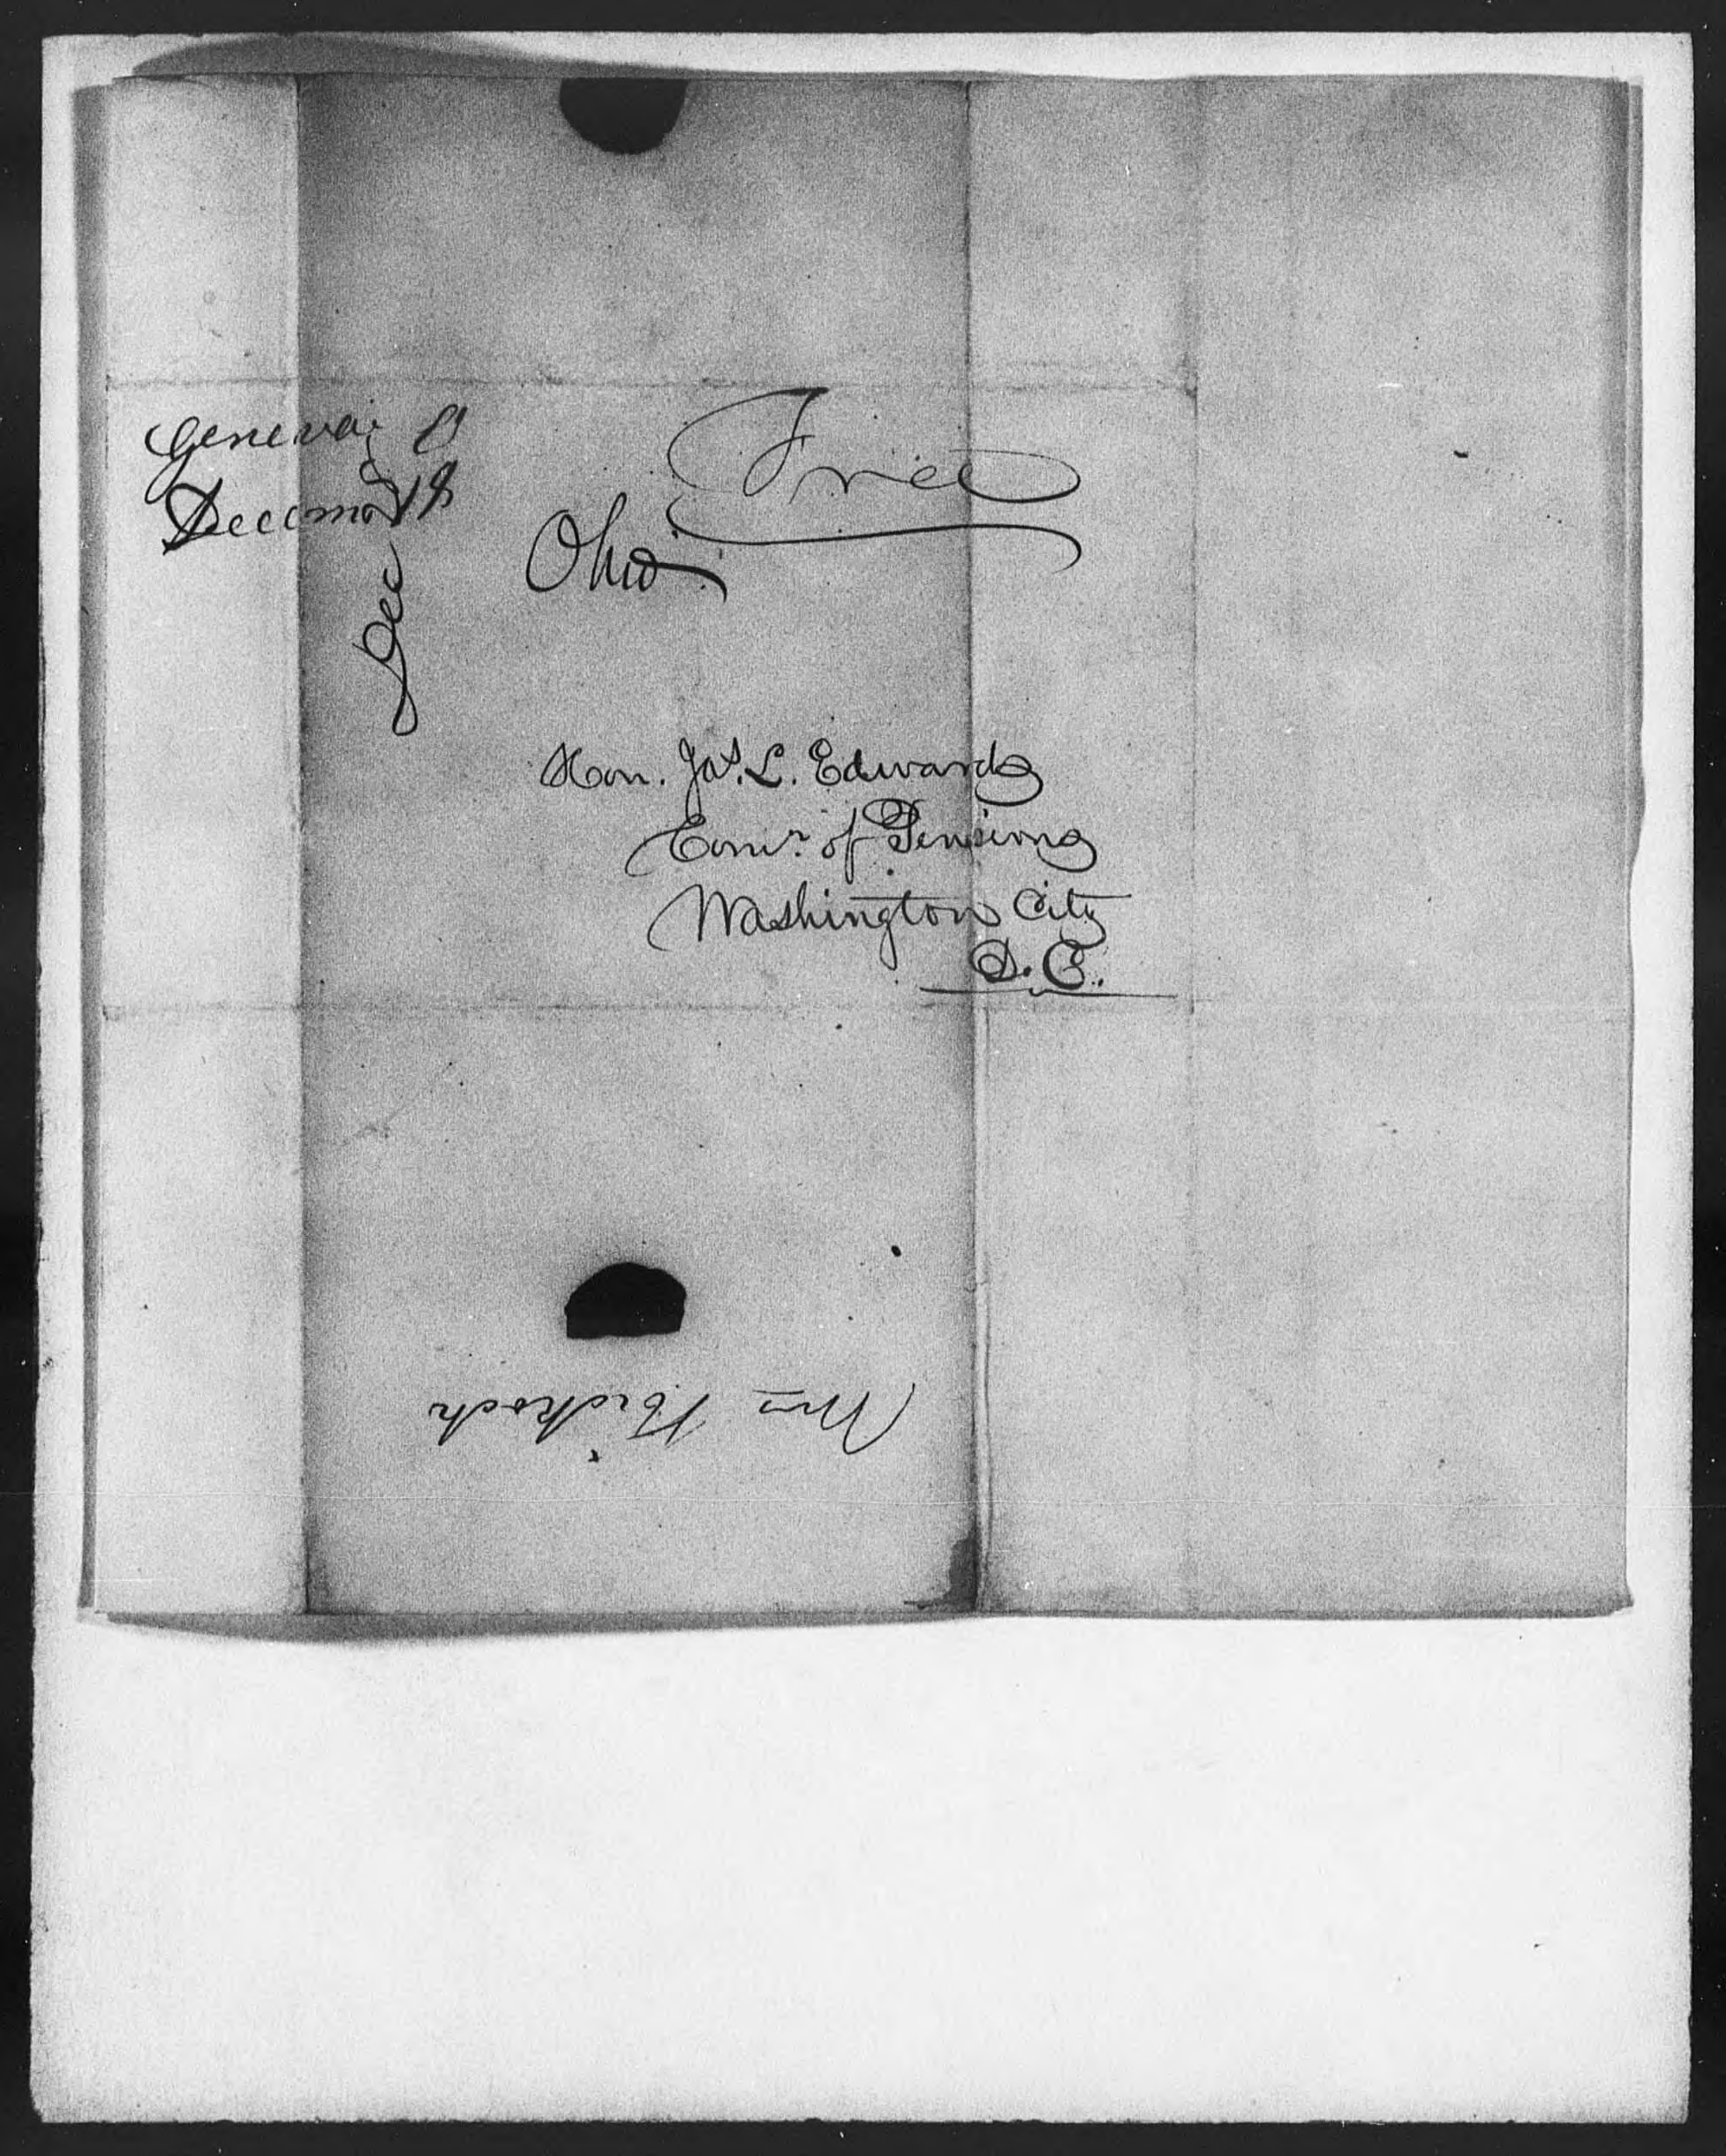Genevai O
Decem [illegible] 18
Free 
Ohio
Dec
Hon. Jas [James] L. Edwards
Comr [Commissioner] of Pensions
Washington City
D.C.
[upside down] Mrs Hickock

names: Jas L Edwards, Hickok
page: 38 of 45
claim: widow's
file: W. 4988, Durlin Hickok, Mass.